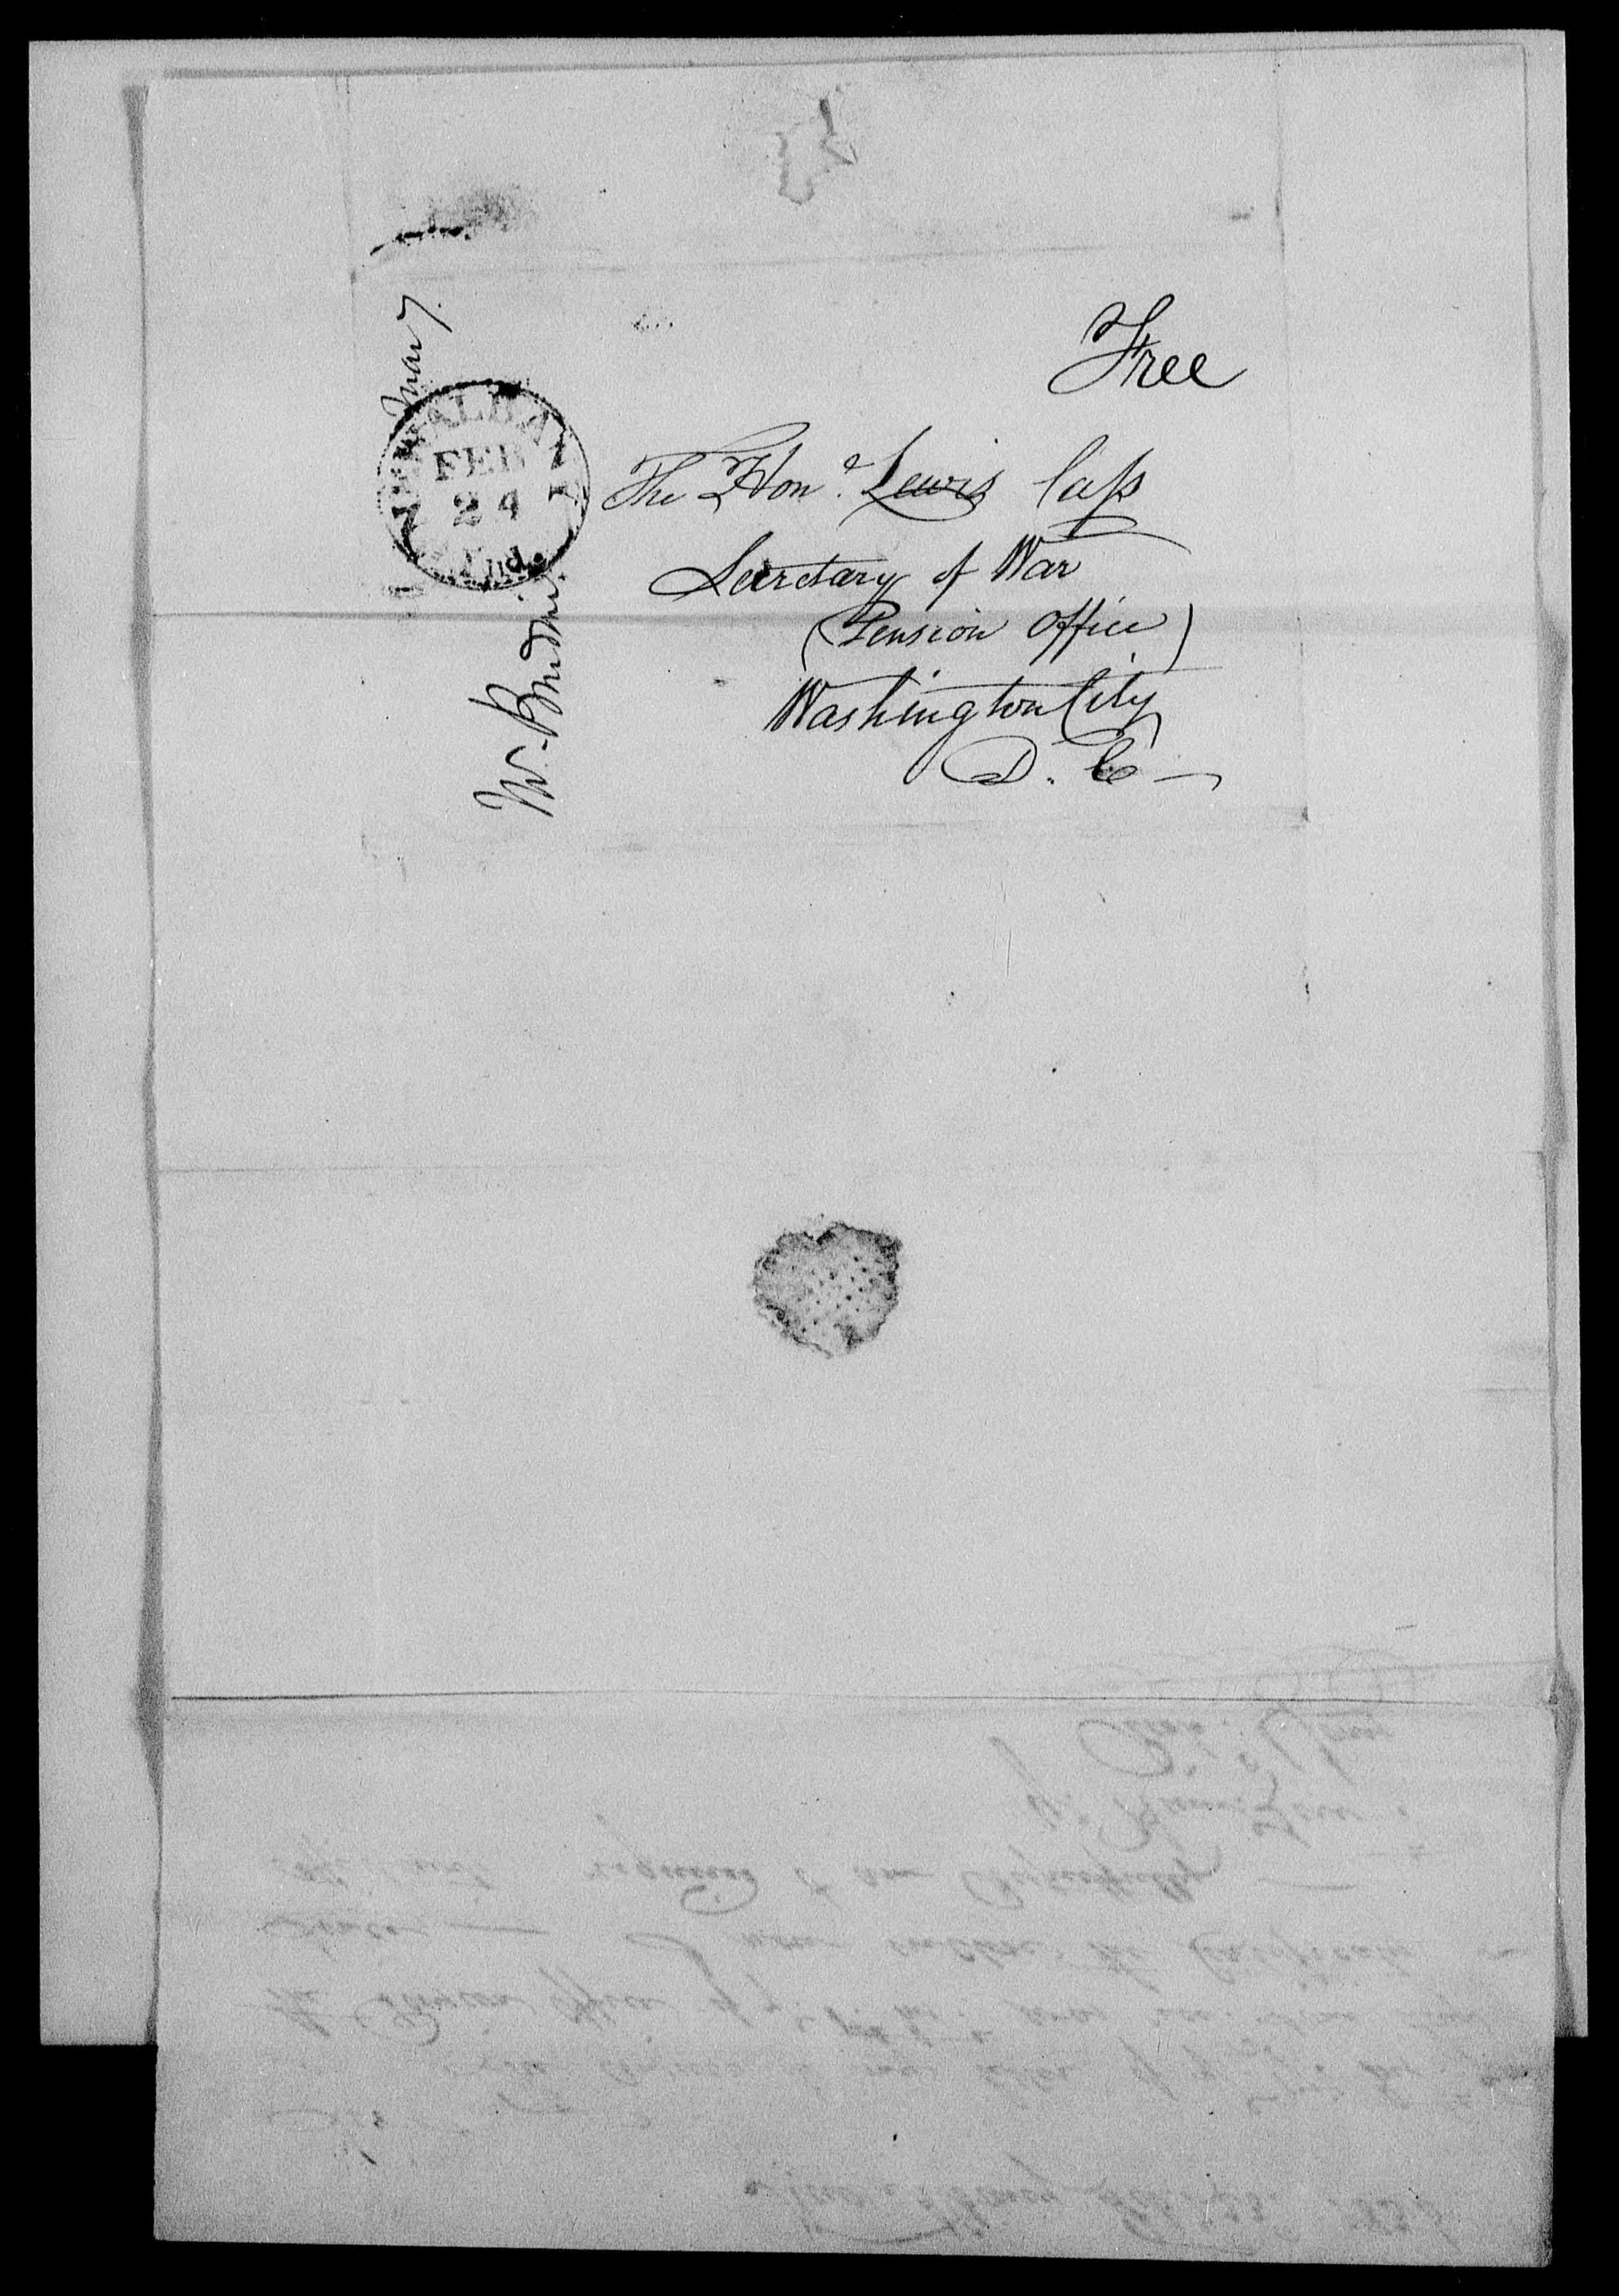Perpendicular to top: Mar 7
Free
Round Black Stamp: ALBANY NY FEB 24
The Hon Lewis Cap
Secretary of War
(Pension Office)
Washington City, D.C.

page: 46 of 62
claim: widow's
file: W. 765, for Richard L Jones, Connecticut